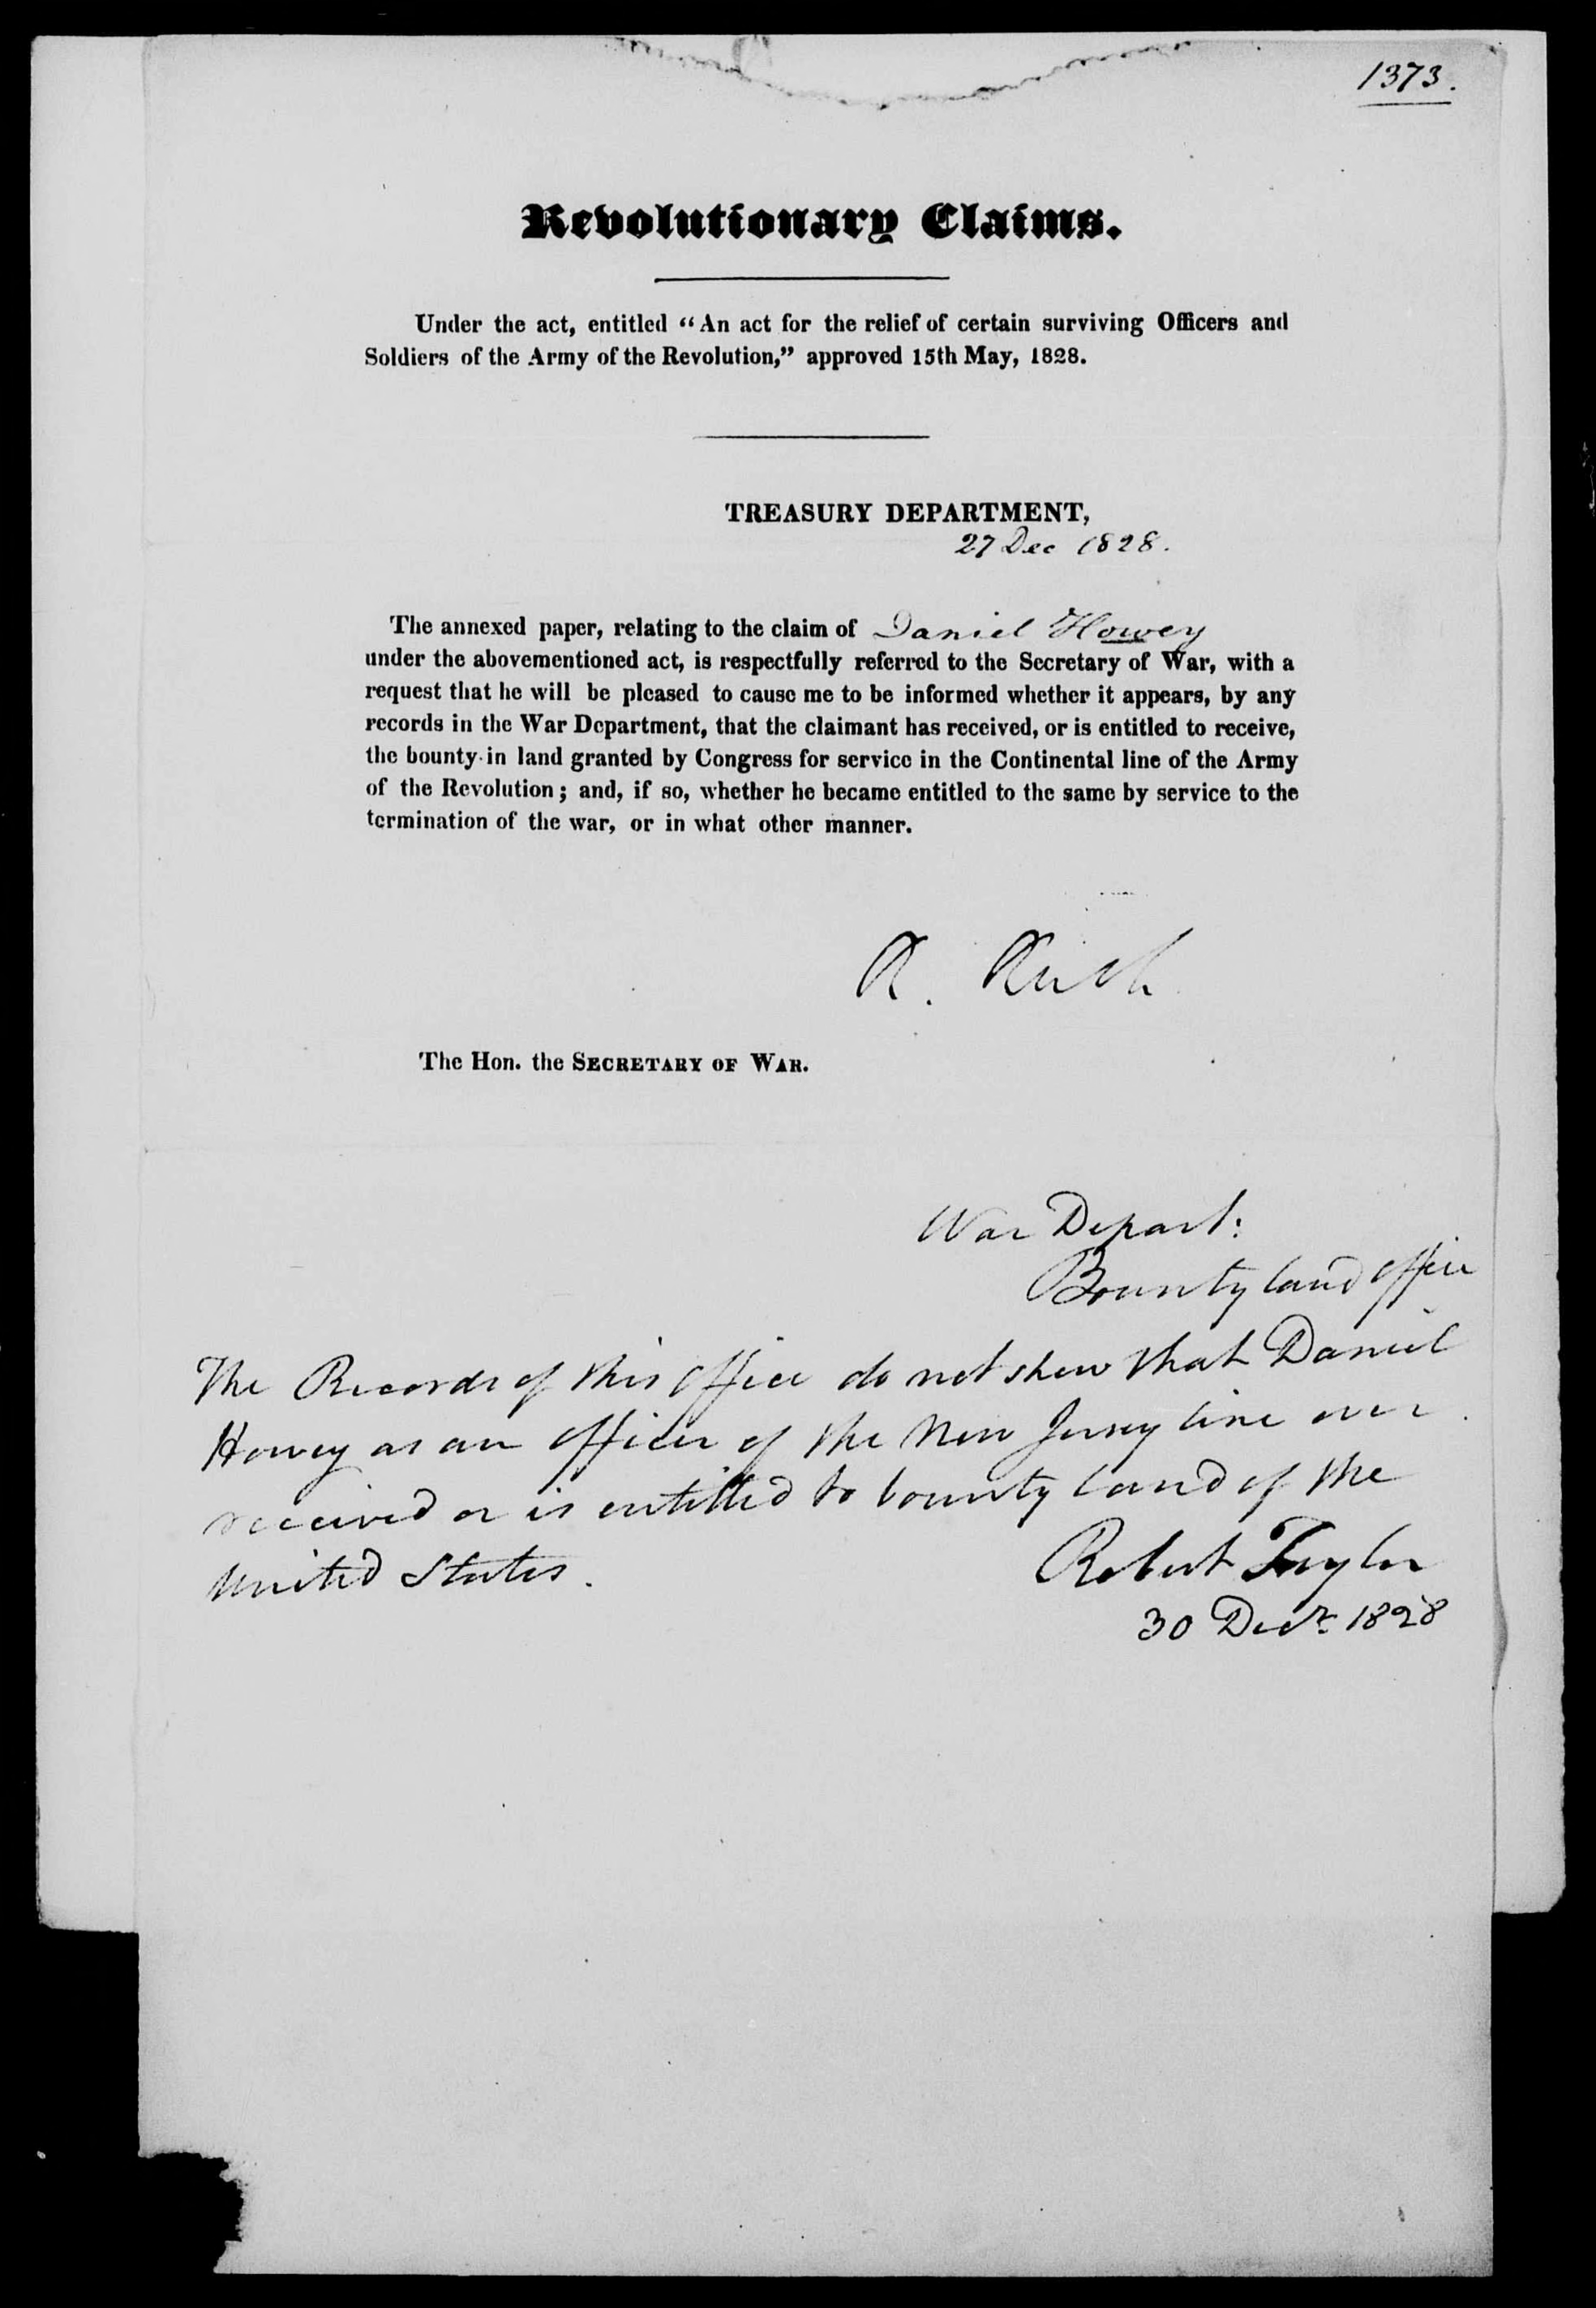1373[written in the upper right corner]
Revolutionary Claims.
Under the act, entitled "An act for the relief of certain surviving Officers and Soldiers of the Army of the Revolution," approved 15th May, 1828. 
[line]
Treasury Department, 
27 Dec 1828. [handwritten]
The annexed paper, relating to the claim of Daniel Howey [handwritten] under the abovementioned act, is respectfully referred to the Secretary of War, with a request that he will be pleased to cause me to be informed whether it appears, by any records in the War Department, that the claimant has received, or is entitled to receive, the bounty in land granted by Congress for service in the Continental line of the Army of the Revolution; and, if so, whether he became entitled to the same by service to the termination of the war, or in what other manner. 
R. Ruth [signature]
The Hon. the Secretary of War.
[the section below is handwritten] 
War Depart:
Bounty land office
The Records of this office do not show that Daniel Howey as an officer of the New Jersey line ever received or is entitled to bounty land of the United States. 
Robert Taylor
30 Dec 1828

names: Robert Taylor, Daniel Howey, R Ruth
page: 24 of 25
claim: rejected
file: R. 5190, Daniel Howey, New Jersey New York